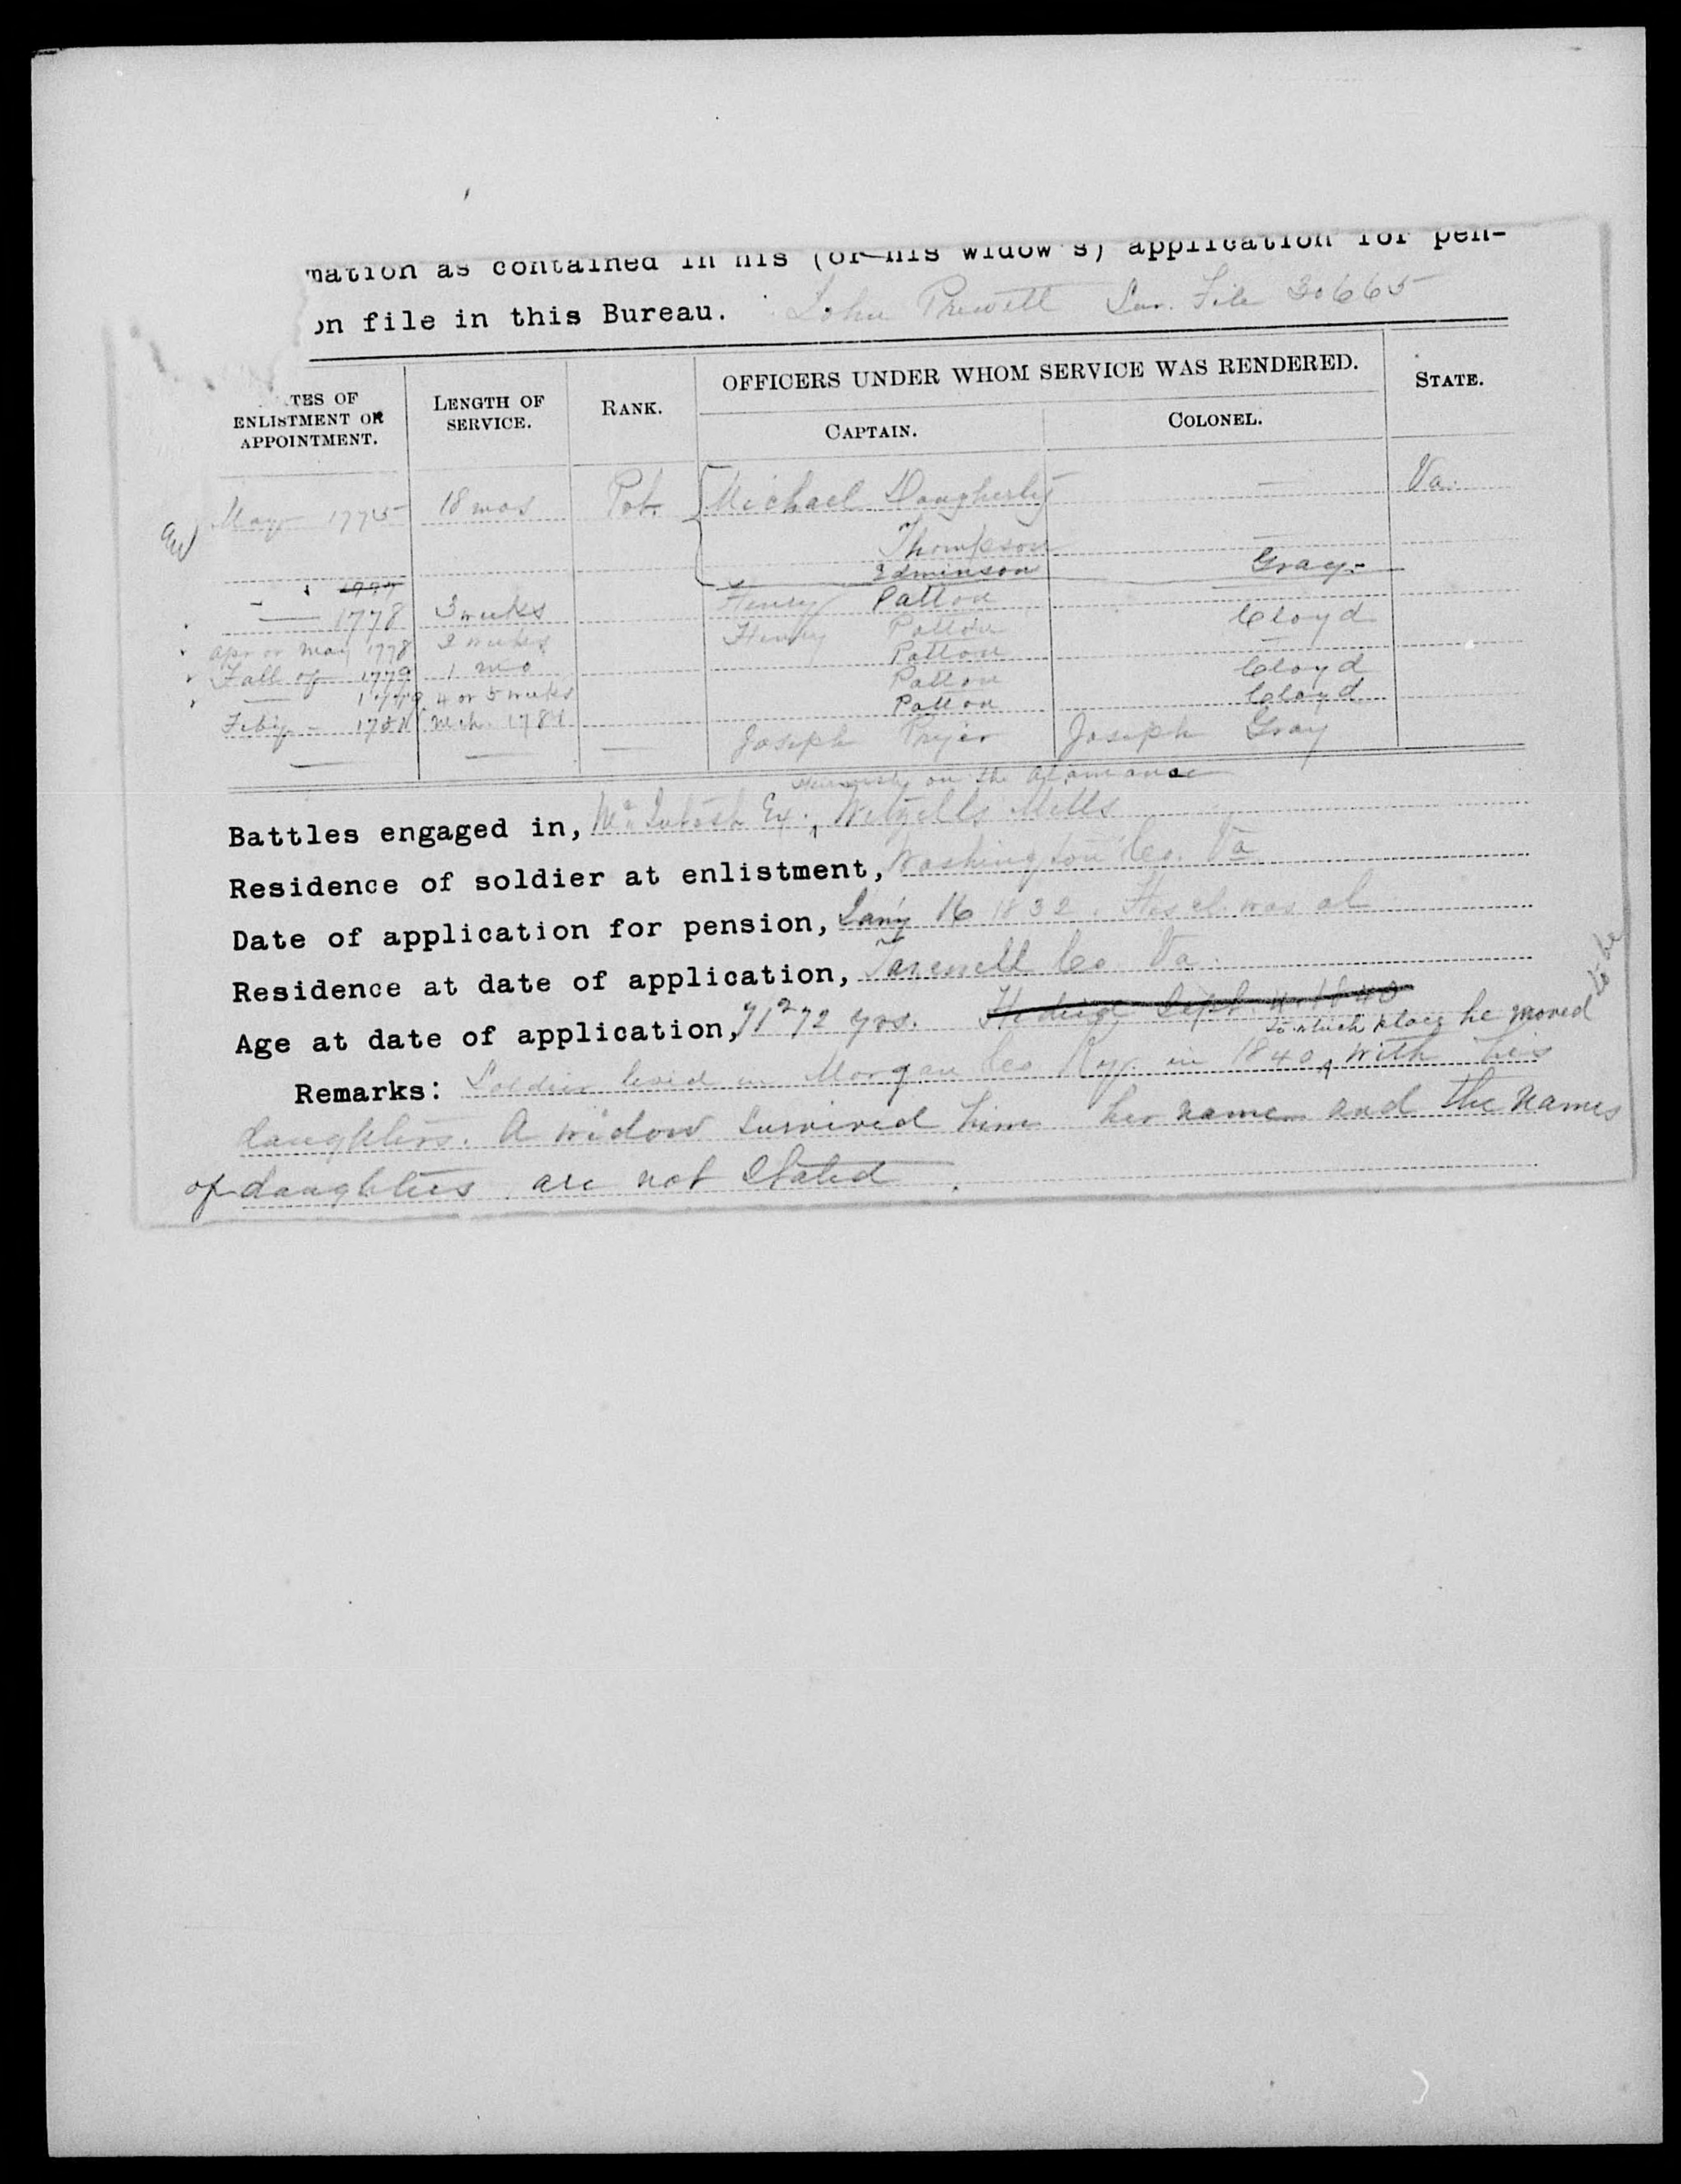mation as contained in his (or his widow's) application for pension on file in this Bureau. John Prewett Sur. File 30665

DATES OF ENLISTMENT OR APPOINTMENT.
AW [1] May 1775
[2] - 1778
[3] " Apr or May 1778
[4] " Fall of 1779
[5] - 1779
[6] Feby - 1781
LENGTH OF SERVICE.
[1] 18 months
[2] 3 weeks
[3] 3 weeks
[4] 1 mo
[5] 4 or 5 weeks
[6] Mch. 1781
RANK.
Pvt.
OFFICERS UNDER WHOM SERVICE WAS RENDERED.
CAPTAIN.
[1] Michael Daugherty; Thompson; Edminson
[2] Henry Patton
[3] Henry Patton
[4] Patton
[5] Patton
[6] Patton
[-] Joseph Pryer
COLONEL.
[1] -
[2] -
[3] Gray
[4] Cloyd
[5] Cloyd
[6] Cloyd
[-] Joseph Gray
STATE.
Va.

Battles engaged in, McIntosh Ex. [illegible] on the Alamance, Witzells Mills
Residence of soldier at enlistment, Washington Co. Va
Date of application for pension, Jan'y 16 1832. His cl. was al
Residence at date of application, Tazewell Co Va.
Age at date of application, 71 or 72 yrs. 
Remarks: Soldier lived in Morgan Co Ky. in 1840 to which place he moved to be with his daughters. A widow survived him her name and the names of daughters are not stated.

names: Henry Patton; [BLANK] Edminson; [BLANK] Thompson; Michael Daugherty; Joseph Gray; [BLANK] Cloyd; John Prewett; Joseph Pryer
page: 20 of 35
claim: survivor's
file: S. 30,665, for John Prewett, Virginia